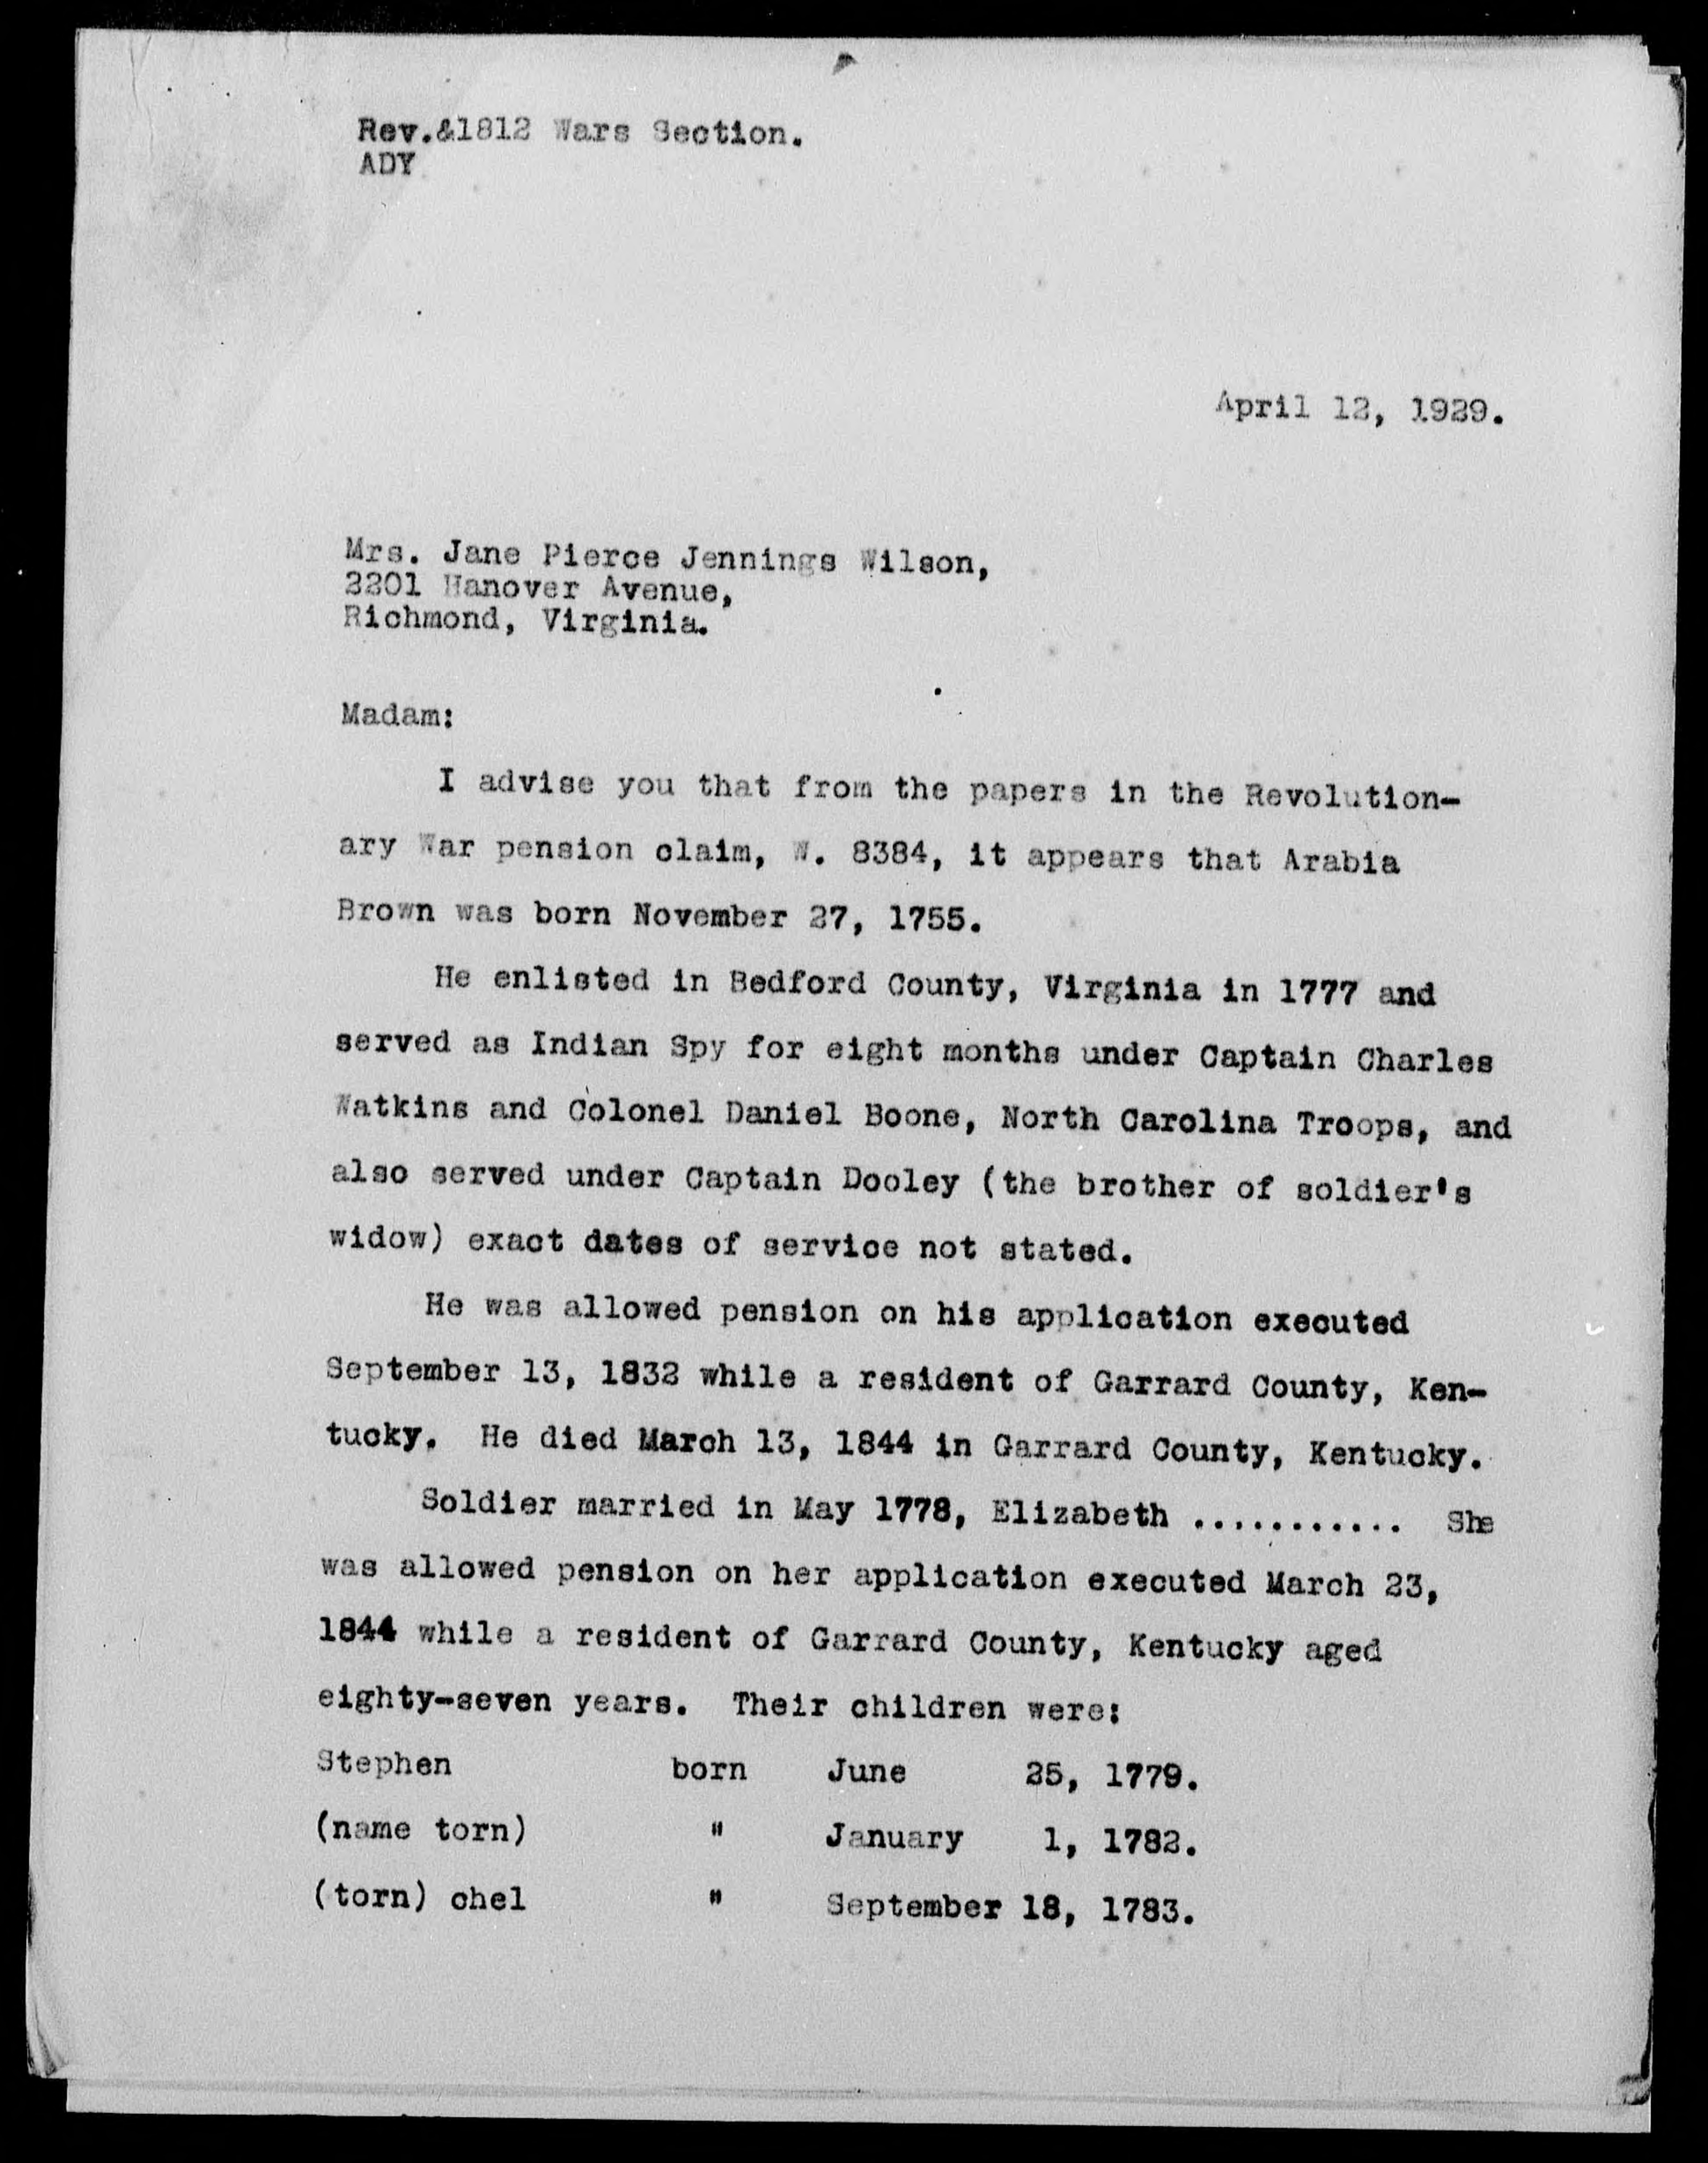Rev.&1812 Wars Section.
ADY
April 12, 1929
Mrs. Jane pierce Jennings Wilson,
2201 Hanover Avenue,
Richmond, Virginia.
Madam:
I advise you that from the papers in the Revolution-ary War pension claim, W. 8384, it appears that Arabia Brown was born November 27, 1755.
he enlisted in Bedford County, Virginia in 1777 and served as Indian Spy for eight months under Captain Charles Watkins and Colonel Daniel Boone, North Carolina Troops, and also served under Captain Dooley (the brother of soldier's widow) exact dates of service not stated.
He was allowed pension on his application executed September 13, 1832 while a resident of Garrard County, Kentucky. He died March 13, 1844 in Garrard County, Kentucky. 
Soldier married in May 1778, Elizabeth...........She was allowed pension on her application executed March 23, 1844 while a resident of Garrard County, Kentucky aged eighty-seven years. Their children were:
Stephen     born   June    25, 1779.
(name torn)    "    January 1, 1782.
(torn) chel      "    September 18, 1783.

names: Stephen, Daniel Boone, Elizabeth, Jane Pierce Jennings Wilson, Arabia Brown, Dooley, Charles Watkins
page: 42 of 65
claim: widow's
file: W. 8384, Arabia Brown, Va.